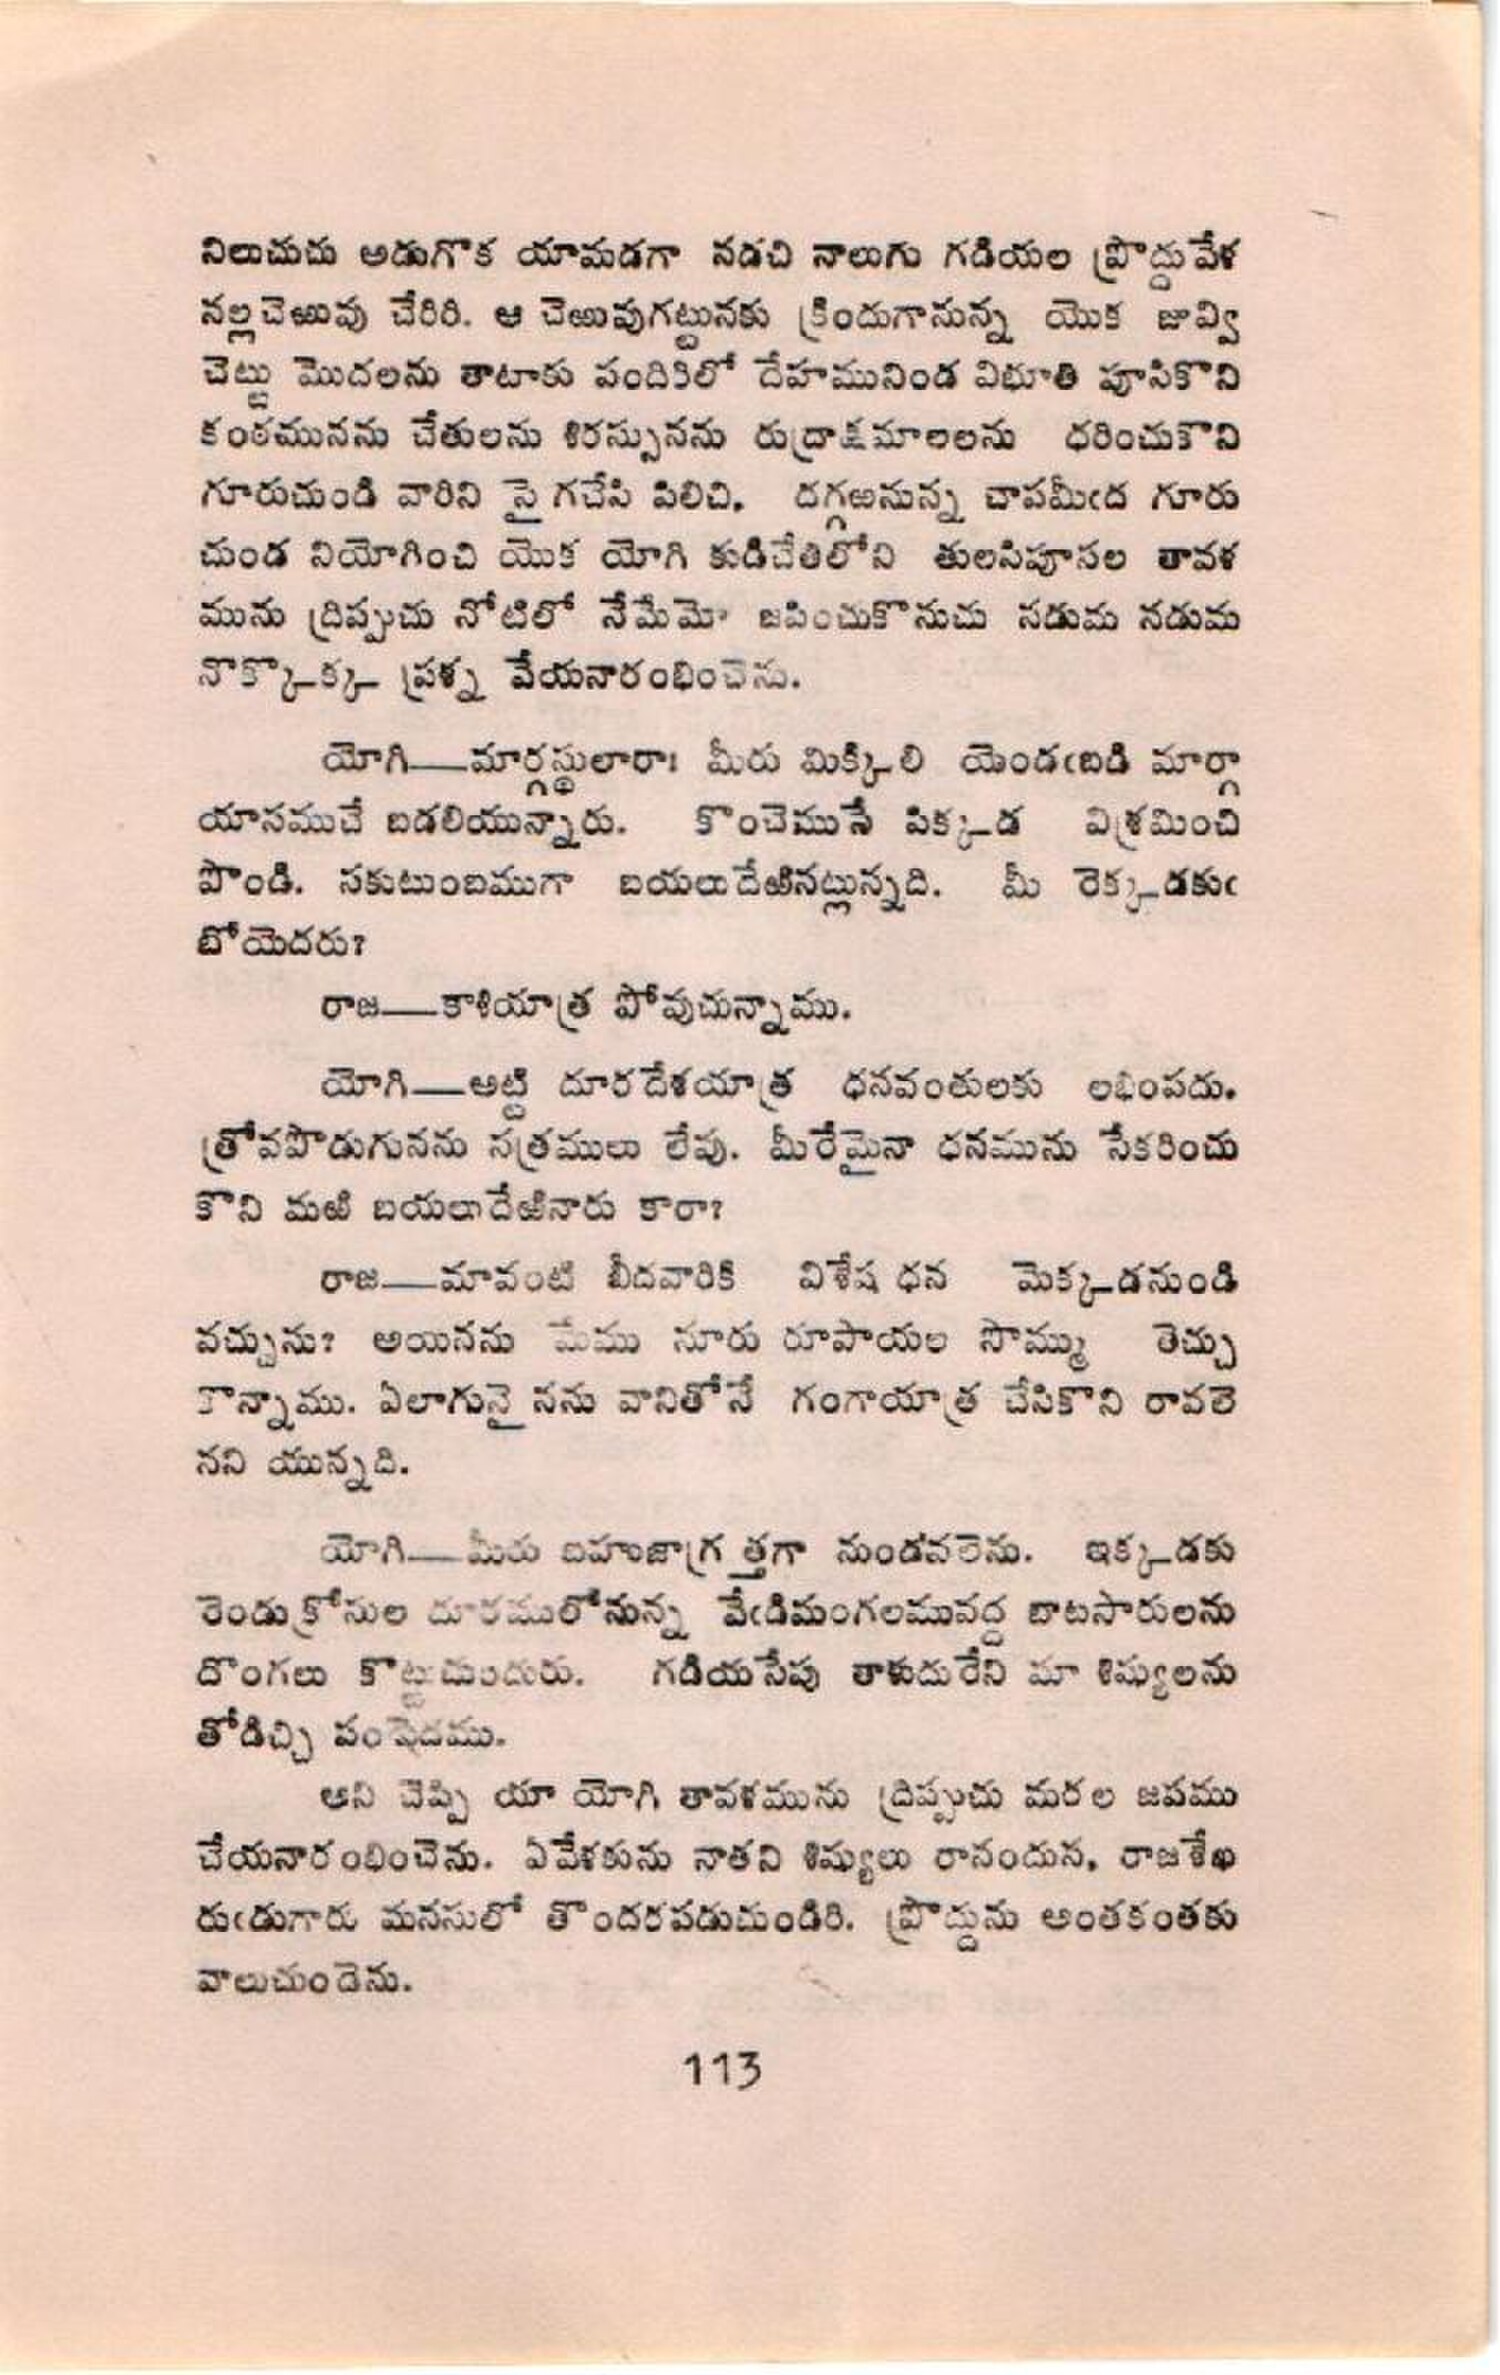నిలుచుచు అడుగొక యామడగా నడచి నాలుగు గడియల ప్రొద్దువేళ 
నల్లచెఱవు చేరిరి. ఆ చెఱువుగట్టునకు క్రిందుగానున్న యొక జువ్వి చెట్టు మొదలను తాటాకు పందిరిలో దేహమునిండ విభూతి పూసికొని కంఠమునను చేతులను శిరస్సునను రుద్రాక్షమాలలను ధరించుకొని గూరుచుండి వారిని సైగచేసి పిలిచి, దగ్గఱనున్న చాపమీఁద గూరు చుండ నియోగించి యెుక యోగి కుడిచేతిలోని తులసిపూసల తావళ మును ద్రిప్పుచు నోటిలో నేమేమో జపించుకొనుచు నడుమ నడుమ నొక్కొక్క ప్రశ్న వేయనారంభించెను.

యోగి__మార్గస్థులారా! మీరు మిక్కిలి యెండఁబడి మార్గాయాసముచే బడలియున్నారు. కొంచెముసే పిక్కడ విశ్రమించి పొండి. సకుటుంబముగా బయలుదేఱినట్లున్నది. మీ రెక్కడకుఁ బోయెదరు ?

రాజ__కాశీయాత్ర పోవుచున్నాము.

యోగి__ అట్టి దూరదేశయాత్ర ధనవంతులకు లభింపదు.
త్రోవ పొడుగునను సత్రములు లేవు. మీరేమైనా ధనమును సేకరించు కొని మఱి బయలుదేఱినారు కారా?

రాజ__మావంటి బీదవారికి విశేష ధన మెక్కడనుండి వచ్చును? అయినను మేము నూరు రూపాయల సొమ్ము తెచ్చు కొన్నాము. ఏలాగునైనను వానితోనే గంగాయాత్ర చేసికొని రావలె నని యున్నది.

యోగి__మీరు బహు జాగ్రత్తగా నుండవలెను. ఇక్కడకు రెండు క్రోసుల దూరములోనున్న వేడిమంగలము వద్ద బాటసారులను దొంగలు కొట్టుచుందురు. గడియసేపు తాళుదురేని మా శిష్యులను తోడిచ్చి పంపెదము.

అని చెప్పి యా యోగి తావళమును ద్రిప్పుచు మరల జపము చేయనారంభించెను. ఏవేళకును నాతని శిష్యులు రానందున, రాజశేఖ రుఁడుగారు మనసులో తొందరపడుచుండిరి. ప్రొద్దును అంతకంతకు వాలుచుండెను.